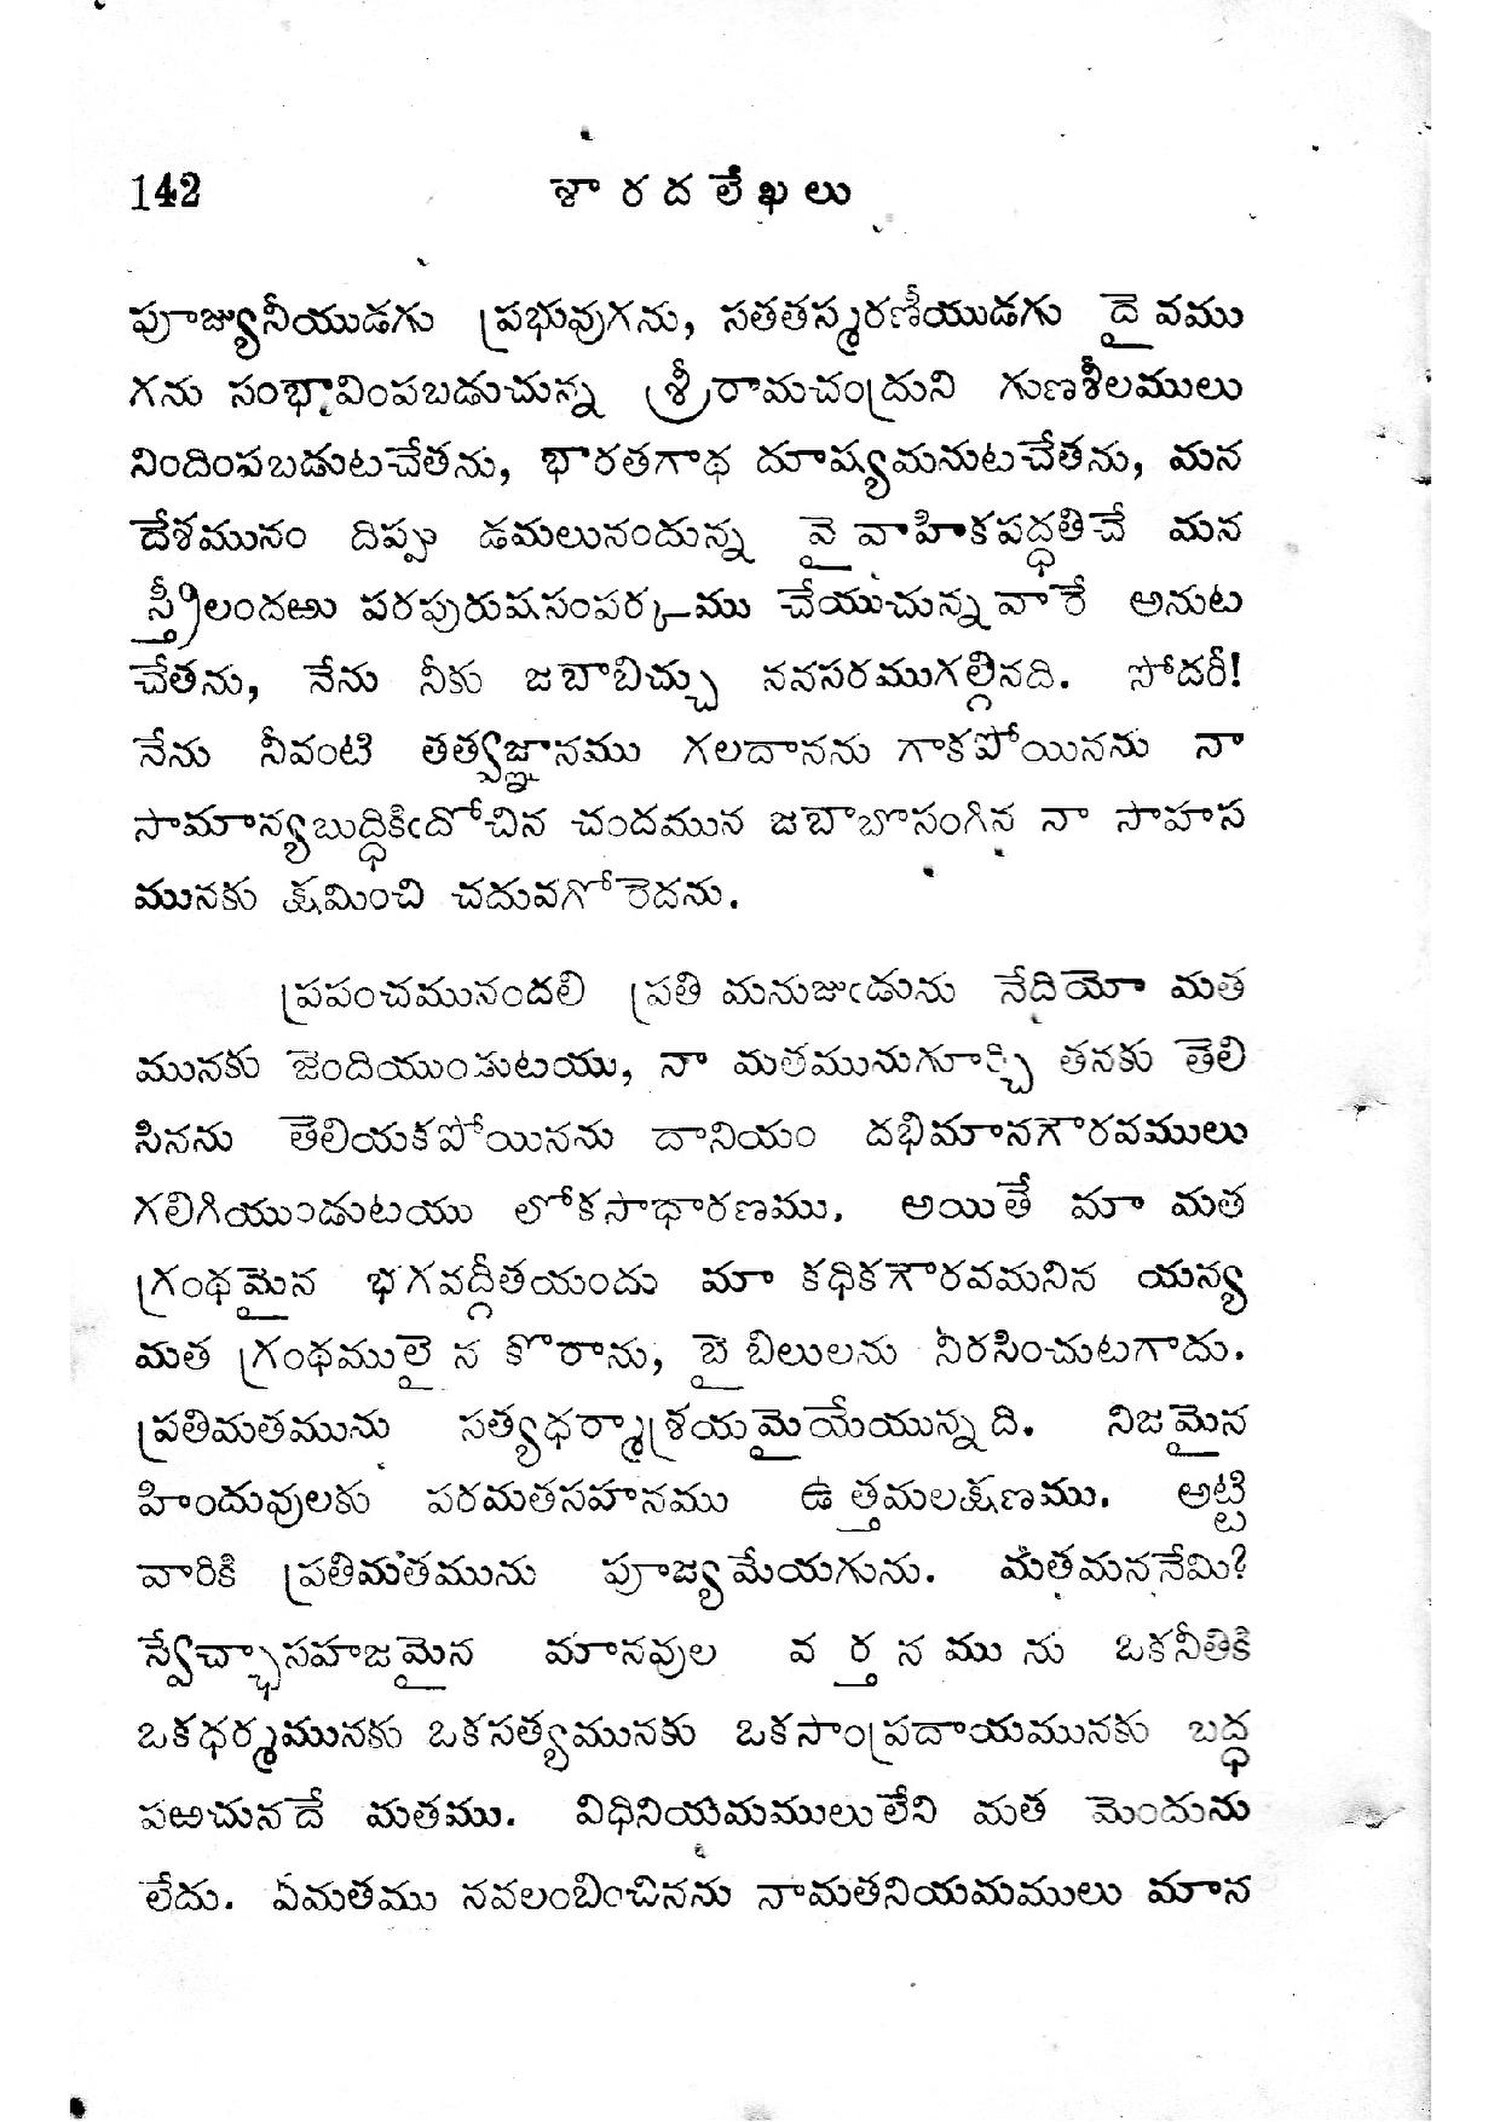పూజ్యునీయుడగు ప్రభువుగను, సతతస్మరణీయుడగు దైవముగను సంభావింపబడుచున్న శ్రీరామచంద్రుని గుణశీలములు నిందింపబడుటచేతను, భారతగాథ దూష్యమనుటచేతను, మనదేశమునం దిప్పు డమలునందున్న వైవాహికపద్ధతిచే మన స్త్రీలందఱు పరపురుషసంపర్కము చేయుచున్నవారే అనుట చేతను, నేను నీకు జబాబిచ్చు నవసరముగల్గినది. సోదరీ! నేను నీవంటి తత్వజ్ఞానము గలదానను గాకపోయినను నా సామాన్యబుద్ధికిఁదోచిన చందమున జబాబొసంగిన నా సాహసమునకు క్షమించి చదువగోరెదను.

ప్రపంచమునందలి ప్రతి మనుజుఁడును నేదియో మతమునకు జెందియుండుటయు, నా మతమునుగూర్చి తనకు తెలిసినను తెలియకపోయినను దానియం దభిమానగౌరవములు గలిగియుండుటయు లోకసాధారణము. అయితే మా మతగ్రంథమైన భగవద్గీతయందు మా కధికగౌరవమనిన యన్యమత గ్రంథములైన కొరాను, బైబిలులను నిరసించుటగాదు. ప్రతిమతమును సత్యధర్మాశ్రయమైయేయున్నది. నిజమైన హిందువులకు పరమతసహనము ఉత్తమలక్షణము. అట్టి వారికి ప్రతిమతమును పూజ్యమేయగును. మతమననేమి? స్వేచ్ఛాసహజమైన మానవుల వర్తనమును ఒకనీతికి ఒకధర్మమునకు ఒకసత్యమునకు ఒకసాంప్రదాయమునకు బద్దపఱచునదే మతము. విధినియమములులేని మత మెందును
లేదు. ఏమతము నవలంబించినను నామతనియమములు మాన